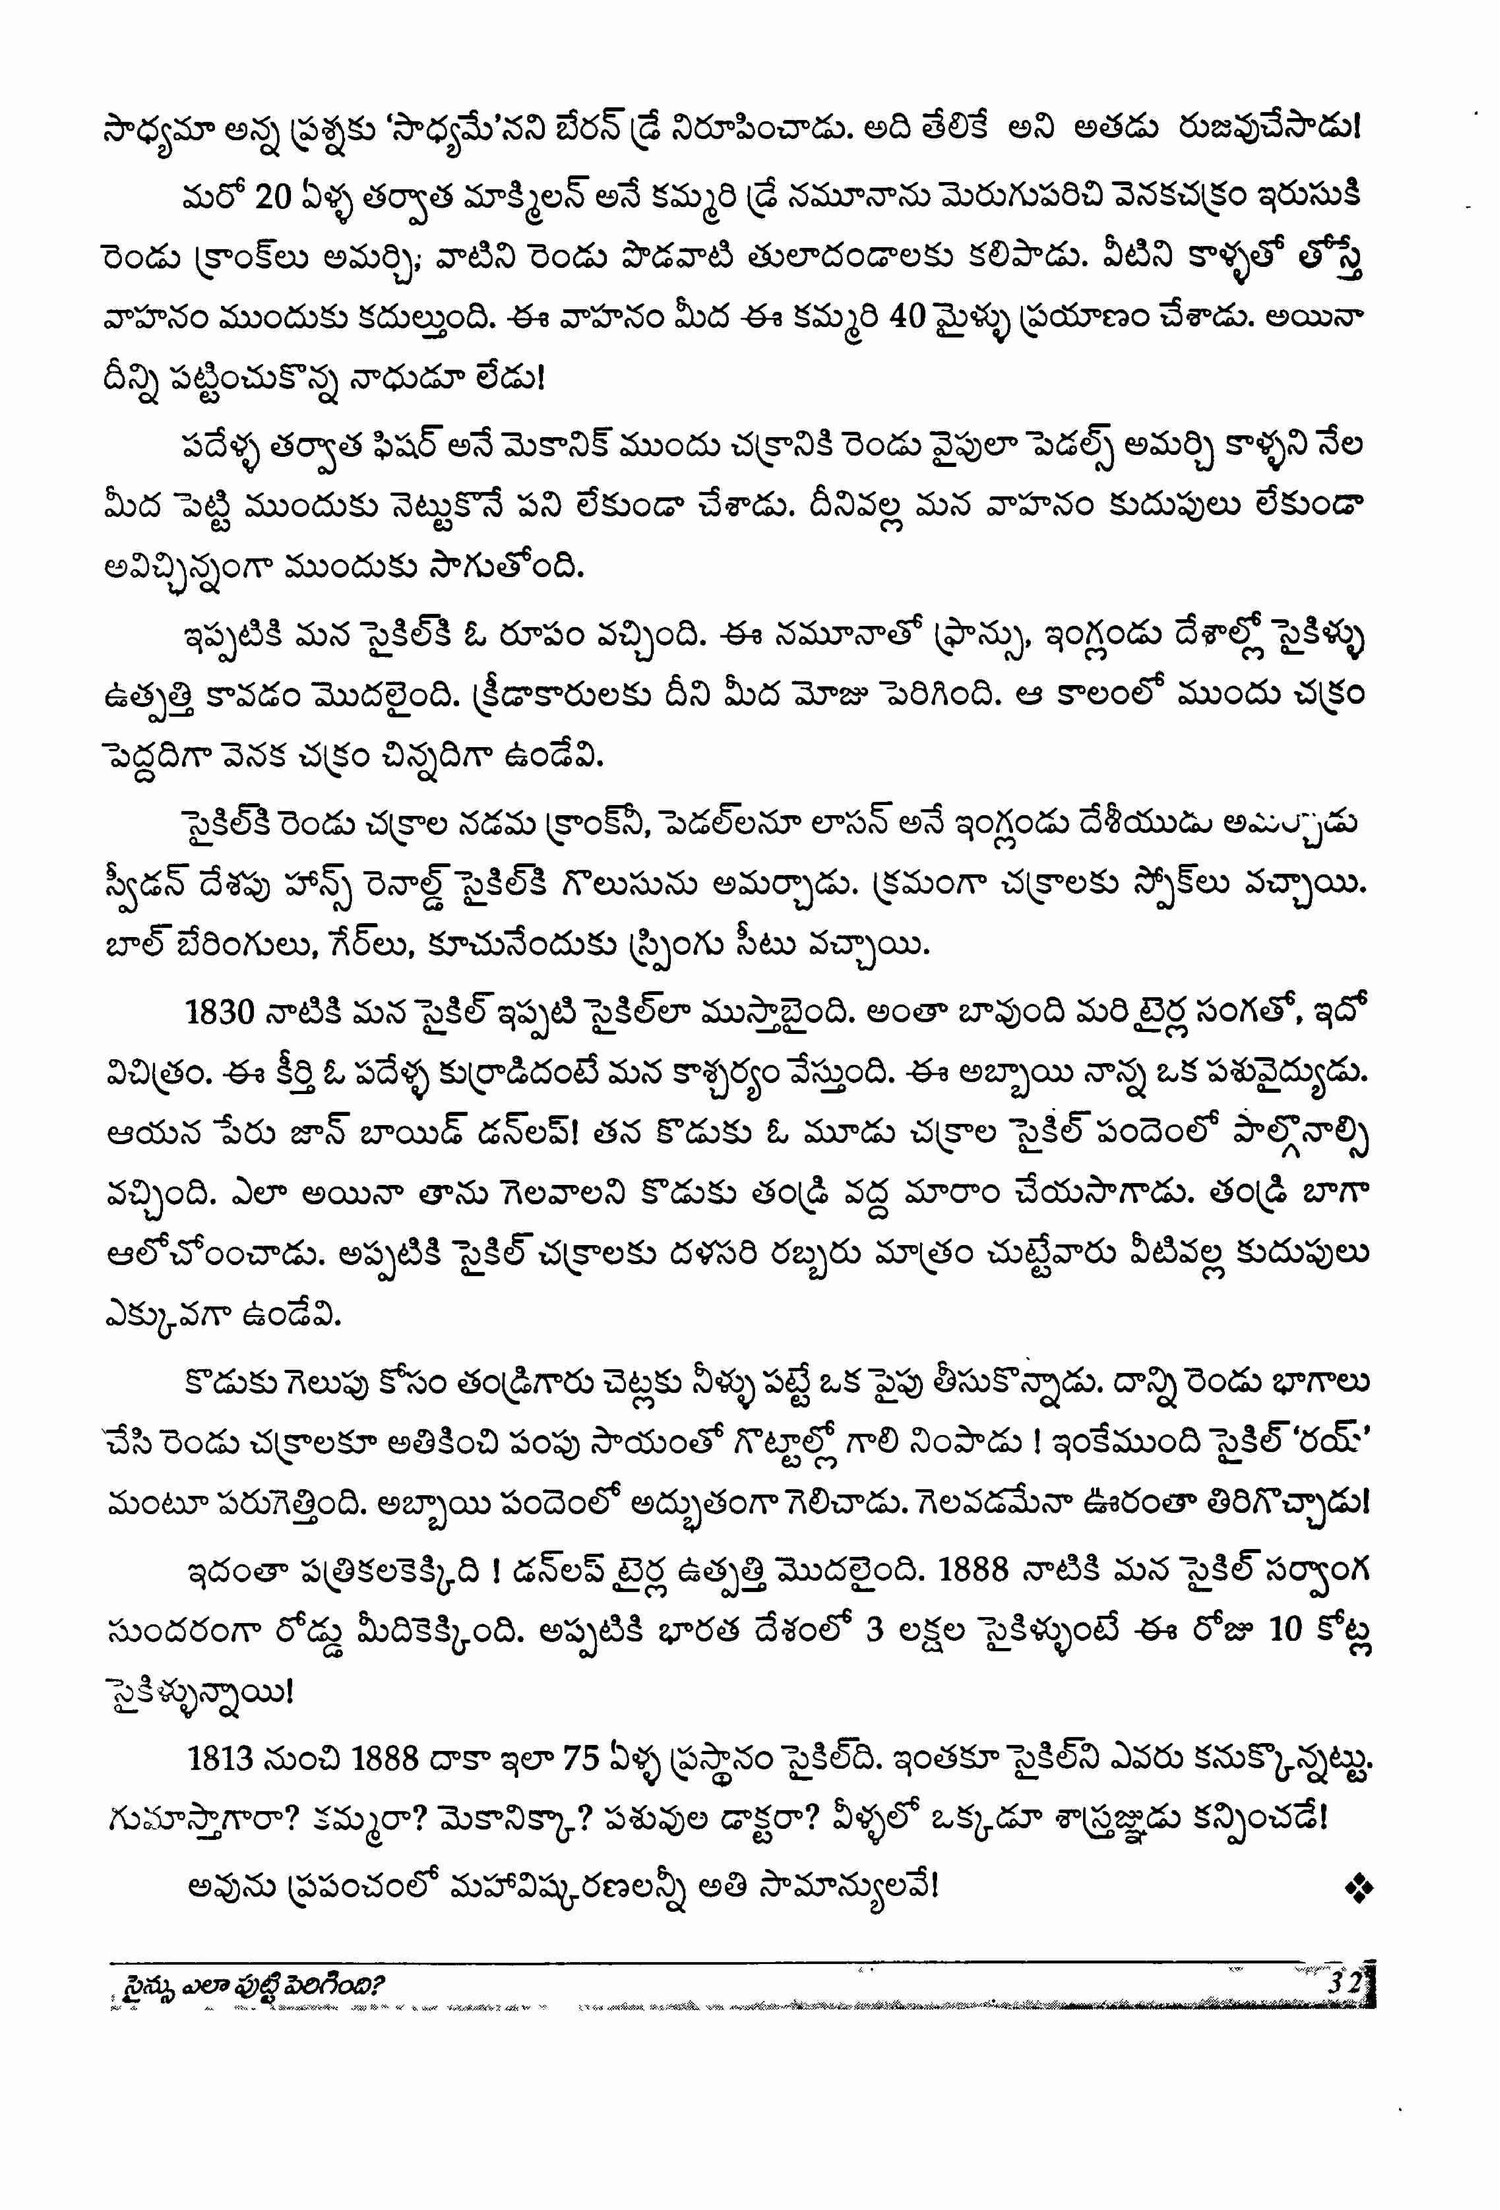సాధ్యమా అన్న ప్రశ్నకు 'సాధ్యమే'నని బేరన్ డ్రే నిరూపించాడు. అది తేలికే అని అతడు రుజువుచేసాడు!

మరో 20 ఏళ్ళ తర్వాత మాక్మిలన్ అనే కమ్మరి డ్రే నమూనాను మెరుగుపరిచి వెనకచక్రం ఇరుసుకి రెండు క్రాంక్‌లు అమర్చి; వాటిని రెండు పొడవాటి తులాదండాలకు కలిపాడు. వీటిని కాళ్ళతో తోస్తే వాహనం ముందుకు కదుల్తుంది. ఈ వాహనం మీద ఈ కమ్మరి 40 మైళ్ళు ప్రయాణం చేశాడు. అయినా దీన్ని పట్టించుకొన్న నాధుడూ లేడు!

పదేళ్ళ తర్వాత ఫిషర్ అనే మెకానిక్ ముందు చక్రానికి రెండు వైపులా పెడల్స్ అమర్చి కాళ్ళని నేల మీద పెట్టి ముందుకు నెట్టుకొనే పని లేకుండా చేశాడు. దీనివల్ల మన వాహనం కుదుపులు లేకుండా అవిచ్ఛిన్నంగా ముందుకు సాగుతోంది.

ఇప్పటికి మన సైకిల్‌కి ఓ రూపం వచ్చింది. ఈ నమూనాతో ఫ్రాన్సు, ఇంగ్లండు దేశాల్లో సైకిళ్ళు ఉత్పత్తి కావడం మొదలైంది. క్రీడాకారులకు దీని మీద మోజు పెరిగింది. ఆ కాలంలో ముందు చక్రం పెద్దదిగా వెనక చక్రం చిన్నదిగా ఉండేవి.

సైకిల్‌కి రెండు చక్రాల నడమ క్రాంక్‌నీ, పెడల్‌లనూ లాసన్ అనే ఇంగ్లండు దేశీయుడు అమర్చాడు స్వీడన్ దేశపు హాన్స్ రెనాల్డ్ సైకిల్‌కి గొలుసును అమర్చాడు. క్రమంగా చక్రాలకు స్పోక్‌లు వచ్చాయి. బాల్ బేరింగులు, గేర్లు, కూచునేందుకు స్ప్రింగు సీటు వచ్చాయి.

1830 నాటికి మన సైకిల్ ఇప్పటి సైకిల్‌లా ముస్తాబైంది. అంతా బావుంది మరి టైర్ల సంగతో, ఇదో విచిత్రం. ఈ కీర్తి ఓ పదేళ్ళ కుర్రాడిదంటే మన కాశ్చర్యం వేస్తుంది. ఈ అబ్బాయి నాన్న ఒక పశువైద్యుడు. ఆయన పేరు జాన్ బాయిడ్ డన్‌లప్ ! తన కొడుకు ఓ మూడు చక్రాల సైకిల్ పందెంలో పాల్గొనాల్సి వచ్చింది. ఎలా అయినా తాను గెలవాలని కొడుకు తండ్రి వద్ద మారాం చేయసాగాడు. తండ్రి బాగా ఆలోచించాడు. అప్పటికి సైకిల్ చక్రాలకు దళసరి రబ్బరు మాత్రం చుట్టేవారు వీటివల్ల కుదుపులు ఎక్కువగా ఉండేవి.

కొడుకు గెలుపు కోసం తండ్రిగారు చెట్లకు నీళ్ళు పట్టే ఒక పైపు తీసుకొన్నాడు. దాన్ని రెండు భాగాలు చేసి రెండు చక్రాలకూ అతికించి పంపు సాయంతో గొట్టాల్లో గాలి నింపాడు ! ఇంకేముంది సైకిల్ 'రయ్' మంటూ పరుగెత్తింది. అబ్బాయి పందెంలో అద్భుతంగా గెలిచాడు. గెలవడమేనా ఊరంతా తిరిగొచ్చాడు!

ఇదంతా పత్రికలకెక్కిది ! డన్‌లప్ టైర్ల ఉత్పత్తి మొదలైంది. 1888 నాటికి మన సైకిల్ సర్వాంగ సుందరంగా రోడ్డు మీదికెక్కింది. అప్పటికి భారత దేశంలో 3 లక్షల సైకిళ్ళుంటే ఈ రోజు 10 కోట్ల సైకిళ్ళున్నాయి!

1813 నుంచి 1888 దాకా ఇలా 75 ఏళ్ళ ప్రస్థానం సైకిల్‌ది. ఇంతకూ సైకిల్ని ఎవరు కనుక్కొన్నట్టు. గుమాస్తాగారా? కమ్మరా? మెకానిక్కా? పశువుల డాక్టరా? వీళ్ళలో ఒక్కడూ శాస్త్రజ్ఞుడు కన్పించడే!

అవును ప్రపంచంలో మహావిష్కరణలన్నీ అతి సామాన్యులవే!